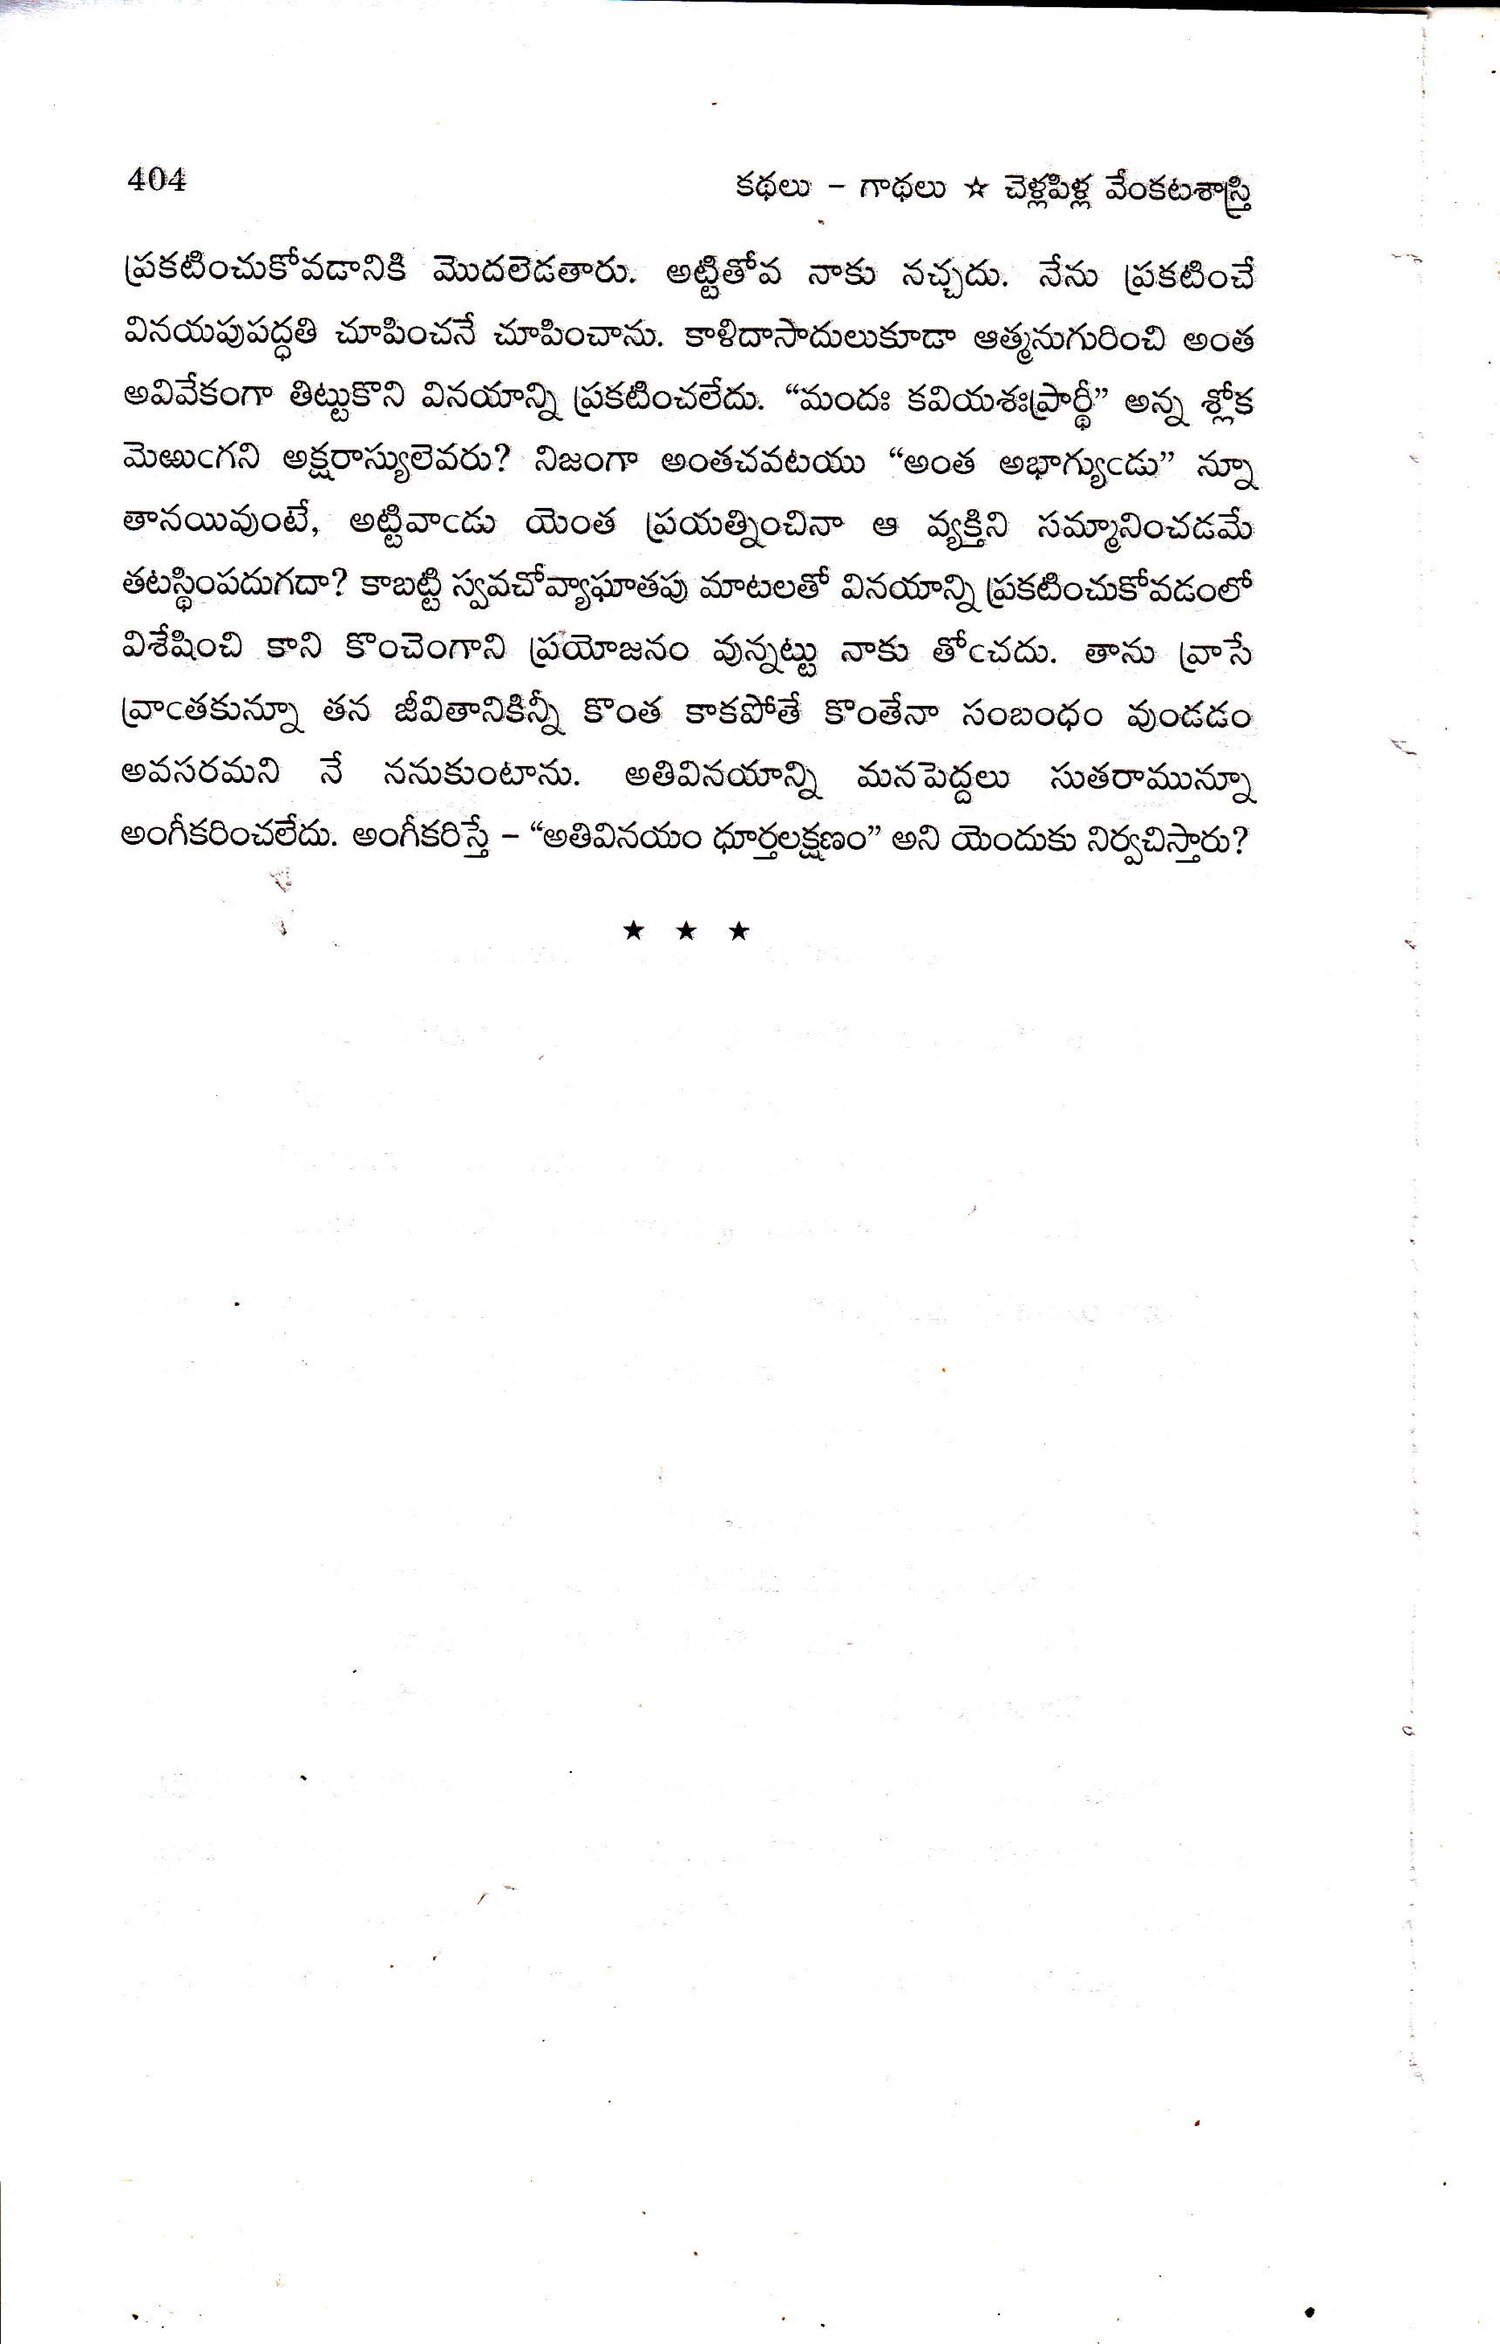ప్రకటించుకోవడానికి మొదలెడతారు. అట్టితోవ నాకు నచ్చదు. నేను ప్రకటించే వినయపుపద్ధతి చూపించనే చూపించాను. కాళిదాసాదులుకూడా ఆత్మనుగురించి అంత అవివేకంగా తిట్టుకొని వినయాన్ని ప్రకటించలేదు. “మందః కవియశఃప్రార్థీ" అన్న శ్లోక మెఱుఁగని అక్షరాస్యులెవరు? నిజంగా అంతచవటయు “అంత అభాగ్యుఁడు" న్నూ తానయివుంటే, అట్టివాఁడు యెంత ప్రయత్నించినా ఆ వ్యక్తిని సమ్మానించడమే తటస్థింపదుగదా? కాబట్టి స్వవచోవ్యాఘాతపు మాటలతో వినయాన్ని ప్రకటించుకోవడంలో విశేషించి కాని కొంచెంగాని ప్రయోజనం వున్నట్టు నాకు తోఁచదు. తాను వ్రాసే వ్రాఁతకున్నూ తన జీవితానికిన్నీ కొంత కాకపోతే కొంతేనా సంబంధం వుండడం అవసరమని నే ననుకుంటాను. అతివినయాన్ని మనపెద్దలు సుతరామున్నూ అంగీకరించలేదు. అంగీకరిస్తే - "అతివినయం ధూర్తలక్షణం" అని యెందుకు నిర్వచిస్తారు?